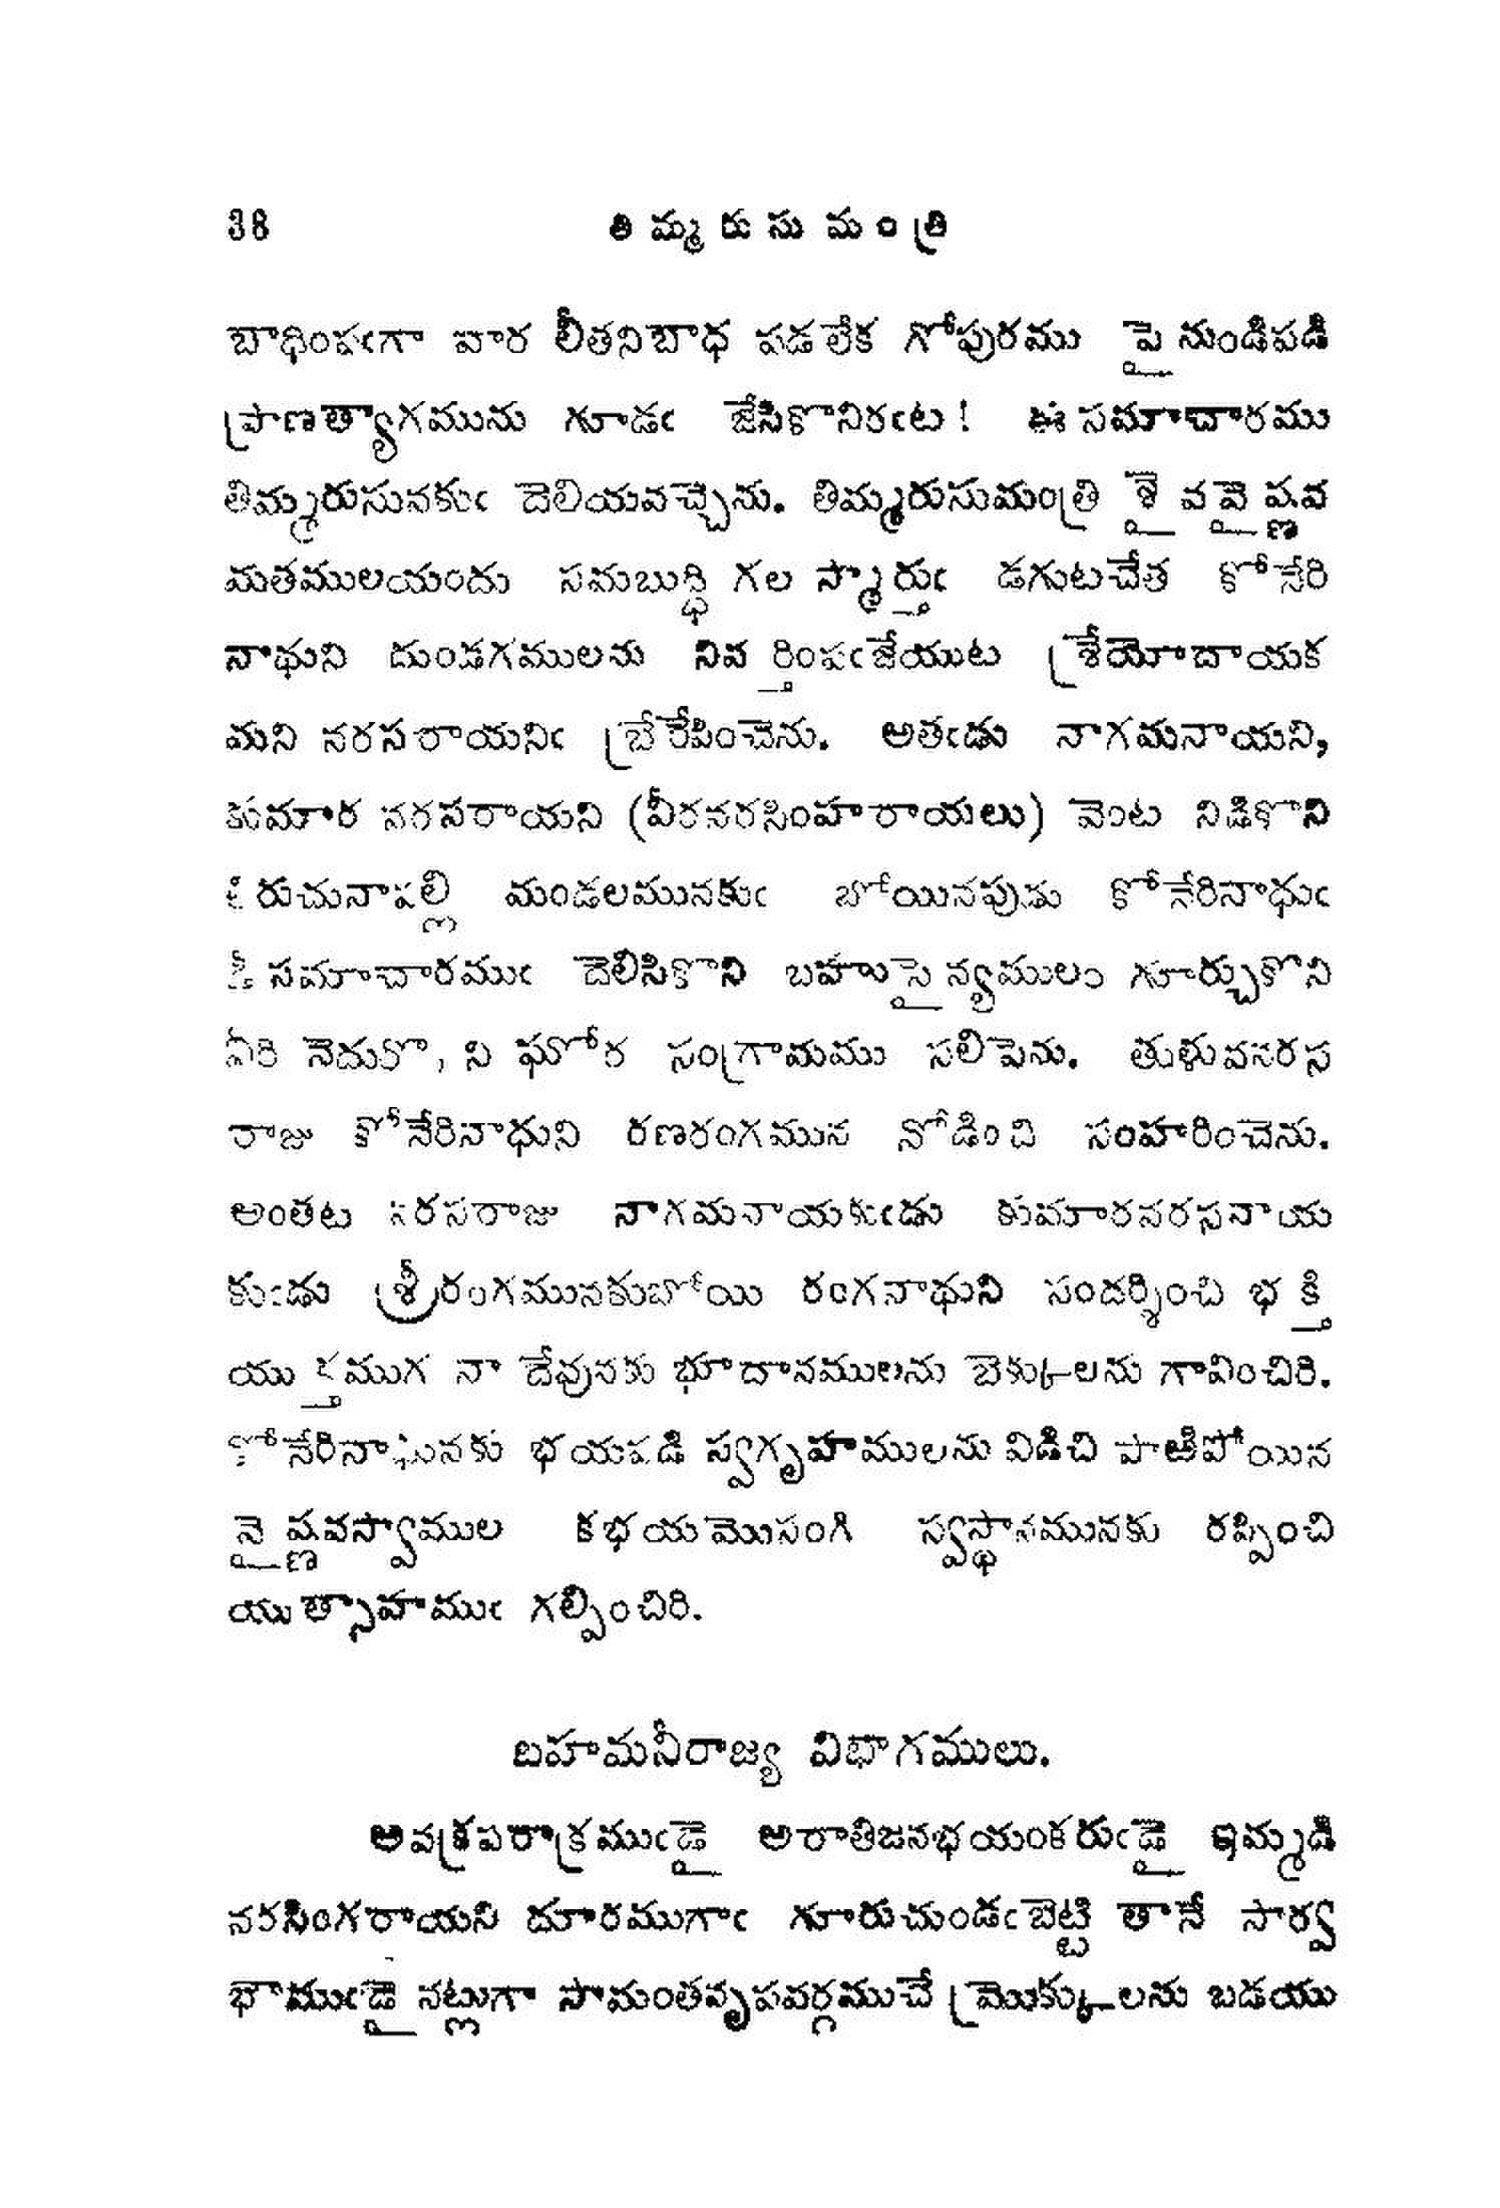బాధింపఁగా వార లీతనిబాధ పడలేక గోపురము పైనుండిపడి ప్రాణత్యాగమును గూడఁ జేసికొనిరఁట! ఈసమాచారము తిమ్మరుసునకుఁ దెలియవచ్చెను. తిమ్మరుసుమంత్రి శైవవైష్ణవ మతములయందు సమబుద్ధి గల స్మార్తుఁ డగుటచేత కోనేరినాథుని దుండగములను నివర్తింపఁజేయుట శ్రేయోదాయకమని నరసరాయనిఁ బ్రేరేపించెను. అతఁడు నాగమనాయని, కుమార నరసరాయని (వీరనరసింహరాయలు) వెంట నిడికొని తిరుచునాపల్లి మండలమునకుఁ బోయినపుడు కోనేరినాధుఁ డీసమాచారముఁ దెలిసికొని బహుసైన్యములం గూర్చుకొని వీరి నెదుర్కొని ఘోర సంగ్రామము సలిపెను. తుళువనరసరాజు కోనేరినాధుని రణరంగమున నోడించి సంహరించెను, అంతట నరసరాజు నాగమనాయకుఁడు కుమారనరసనాయకుఁడు శ్రీరంగమునకుబోయి రంగనాథుని సందర్శించి భక్తి యుక్తముగ నా దేవునకు భూదానములను బెక్కులను గావించిరి. కోనేరినాథునకు భయపడి స్వగృహములను విడిచి పాఱిపోయిన వైష్ణవస్వాముల కభయమొసంగి స్వస్థానమునకు రప్పించి యుత్సాహముఁ గల్పించిరి.

బహమనీరాజ్య విభాగములు. 

అవక్రపరాక్రముఁడై అరాతిజనభయంకరుఁడై ఇమ్మడి నరసింగరాయని దూరముగాఁ గూరుచుండఁబెట్టి తానే సార్వభౌముఁడైనట్లుగా సామంతనృపవర్గముచే మ్రొక్కులను బడయు